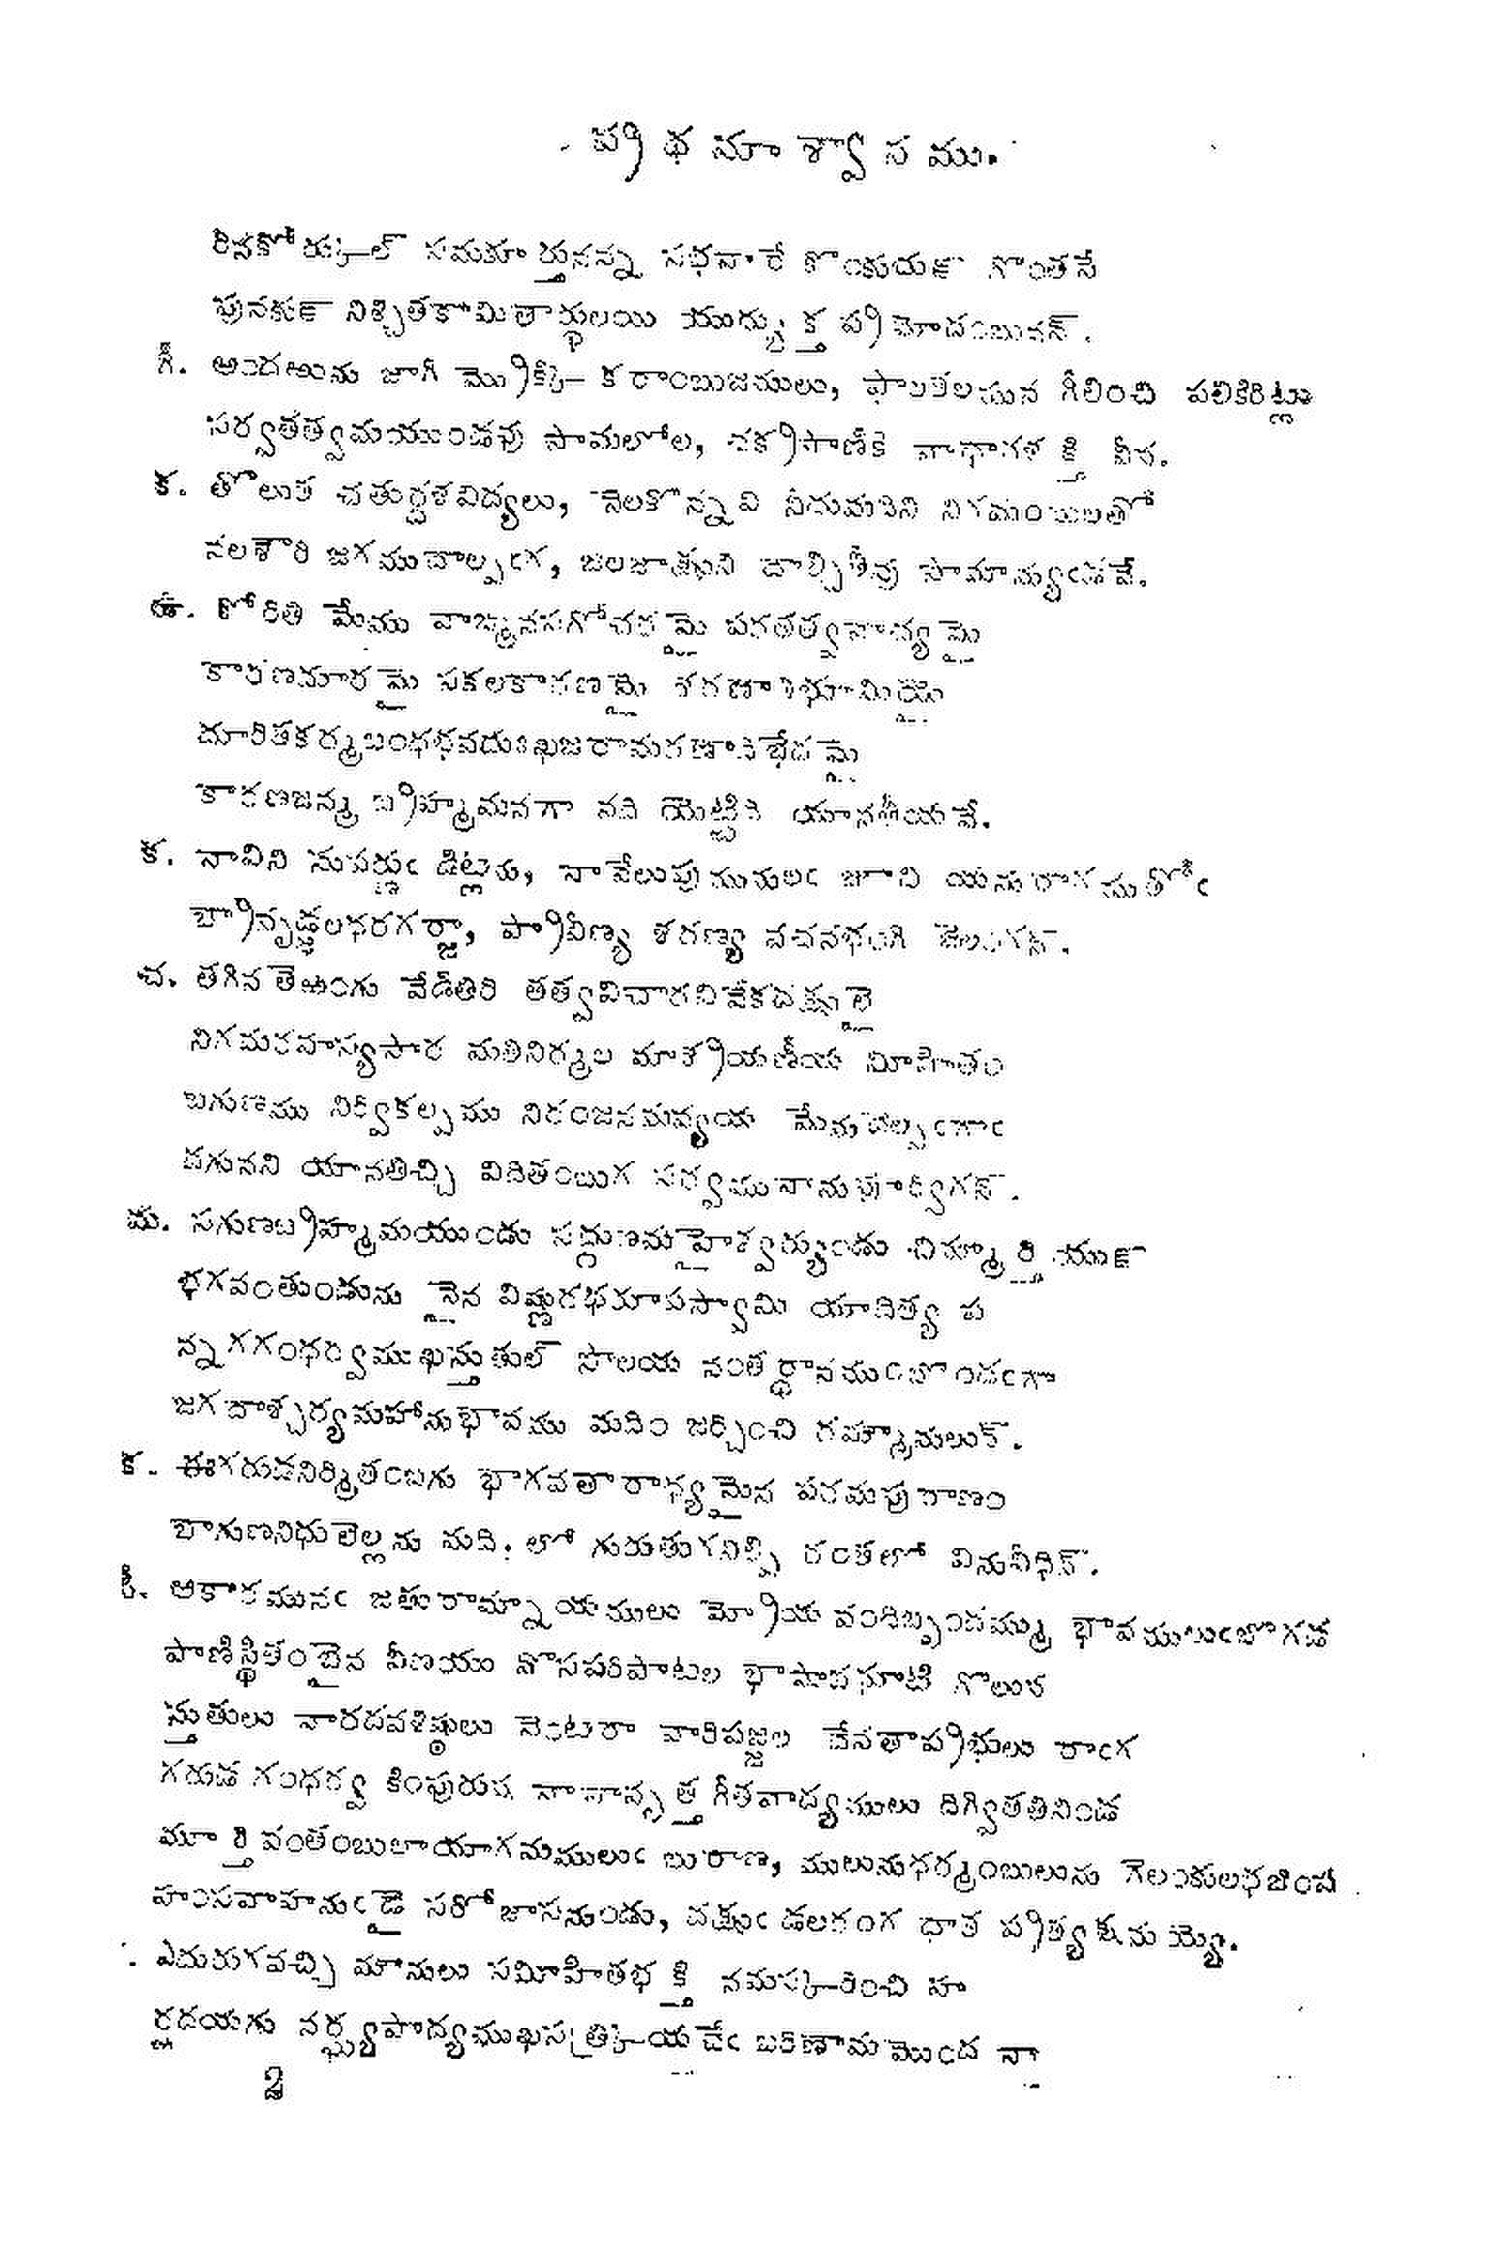రినకోర్కుల్ సమకూర్తునన్న సభవారే కొంకుచున్ కొంతసే
 పునకున్ నిశ్చితకామితార్థులయి యుద్యుక్తప్రమోదంబునన్.
గీ. అందఱును జాగి మ్రొక్కి కరాంబుజములు, ఫాలతలమున గీలించి పలికిరిట్లు
 సర్వతత్వమయుండవు సామలోల, చక్రపాణికి నాధారశక్తి వీవ.
క. తొలుక చతుర్దశవిద్యలు, నెలకొన్నవి నీదుమదిని నిగమంబులతో
 నలశౌరి జగము దాల్పఁగ, జలజాక్షుని దాల్చితీవు సామాన్యుఁడవే.
ఉ. కోరితి మేము వాఙ్మనసగోచరమై పరతత్వవాచ్యమై
 కారణదూరమై సకలకారణమై శరణార్థభూమియై
 దూరితకర్మబంధభవదుఃఖజరామరణాదిఖేదమై
 కారణజన్మ బ్రహ్మమనగా నవి యెట్టిది యానతీయవే.
క. నావిని సుపర్ణుఁ డిట్లను, నావేలుపుమునులఁ జూచి యనురాగముతోఁ
 బ్రానృణ్జలధరగర్జా, ప్రావీణ్య శరణ్య వచనభంగి జెలంగన్.
చ. తగిన తెఱంగు వేడితిరి తత్వవిచారవివేకదక్షులై
 నిగమరహస్యసార మతినిర్మల మాశ్రయణీయ మీహితం
 బగుణము నిర్వికల్పము నిరంజన మవ్యయ మేను దెల్పఁగాఁ
 దగునని యానతిచ్చి విదితంబుగ సర్వము నానుపూర్విగన్.
మ. సగుణబ్రాహ్మమయుండు సద్గుణమహైశ్వర్యుండు చిన్మూర్తియున్
 భగవంతుండును నైన విష్ణురథరూపస్వామి యాదిత్య ప
 న్నగగంధర్వముఖస్తుతుల్ సొలయ నంతర్థానముం బొందఁగా
 జగదాశ్చర్యమహానుభావము మదిం జర్చించి రమ్మౌనులున్.
క. ఈగరుడనిర్మితంబగు, భాగవతారాధ్యమైన పరమపురాణం
 బాగుణనిధులెల్లను మది, లో గురుతుగ నిల్పి రంతలో వినువీథిన్.
సీ. ఆకారమునఁ జతురామ్నాయములు మ్రోయ వందిబృందమ్ము భావములుఁ బొగడ
 పాణిస్థితంబైన వీణయు నొసపరిపాటల భాషావధూటి గొలువ
 స్తుతులు నారదవశిష్ఠులు వెంటరా వారిపజ్జల దేవతాప్రభులు రాఁగ
 గరుడ గంధర్వ కింపురుష నానావృత్తగీతవాద్యములు దిగ్వితతినిండ
 మూర్తివంతంబు లా యాగమములుఁ బురాణ, ములును ధర్మంబులును గెలంకుల భజింప
 హంసవాహనుఁడై సరోజాసనుండు, దక్షుఁ డలరంగ ధాత ప్రత్యక్షమయ్యె.
చ. ఎదురుగ వచ్చి మౌనులు సమీహితభక్తి నమస్కరించి హ
 ర్షదయగు నర్ఘ్యపాద్యముఖసత్క్రియచేఁ బరిణామ మొంద నా